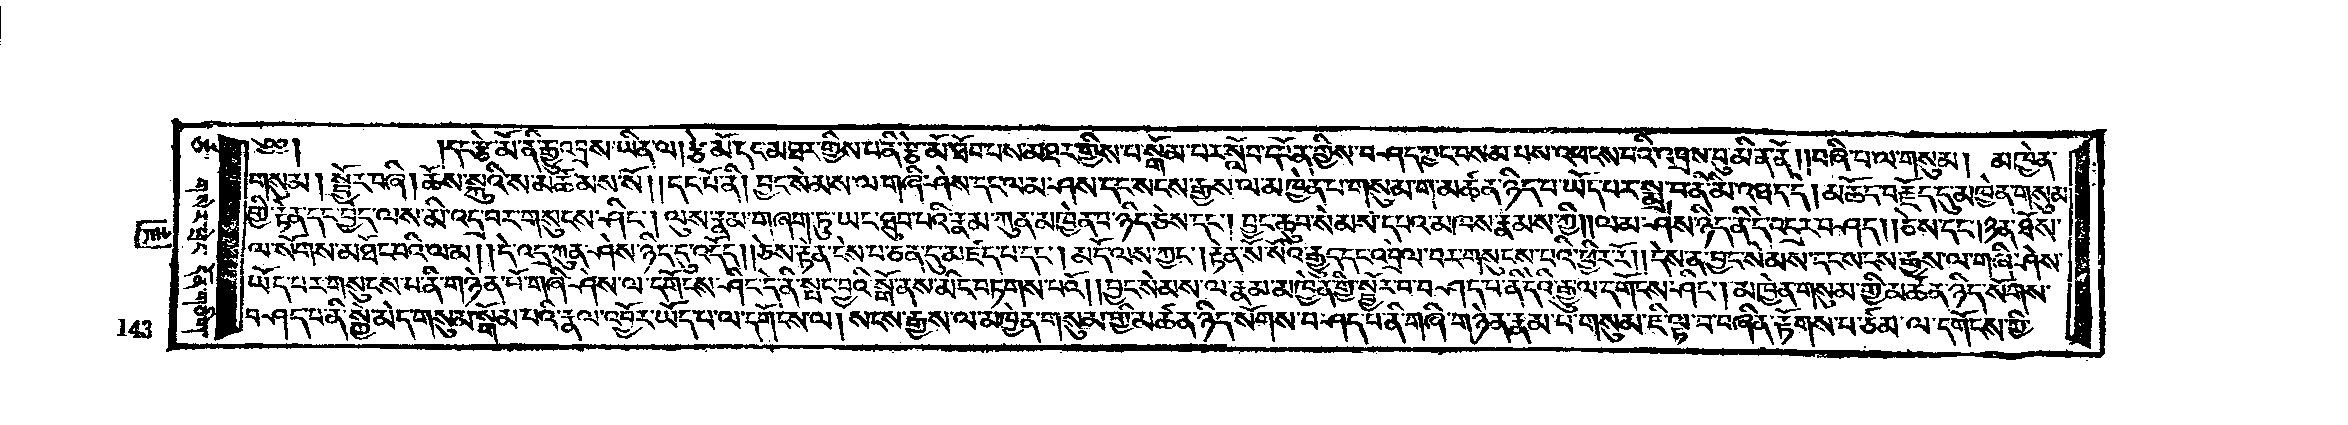༄༅། །དང་རྩེ་མོ་ནི་རྒྱུ་འབྲས་ཡིན་ལ། རྩེ་མོ་དང་མཐར་གྱིས་པ་རྩེ་མོ་ཐོབ་པས་མཐར་གྱིས་པ་སྒོམ་པར་སློབ་དཔོན་གྱིས་བཤད་ཀྱང་བསམ་པས་འཕངས་པའི་འབྲས་བུ་མིན་ནོ། །བཞི་པ་ལ་གསུམ། མཁྱེན་
གསུམ། སྦྱོར་བཞི། ཆོས་སྐུའི་ས་མཚམས་སོ། །དང་པོ་ནི། བྱང་སེམས་ལ་གཞི་ཤེས་དང་ལམ་ཤེས་དང་སངས་རྒྱས་ལ་མཁྱེན་པ་གསུམ་ག་མཚན་ཉིད་པ་ཡོད་པར་སྨྲ་བ་ནི་མི་འཐད་དེ། མཆོད་བརྗོད་དུ་མཁྱེན་གསུམ་
གྱི་རྟེན་དང་བྱེད་ལས་མི་འདྲ་བར་གསུངས་ཤིང་། ལུས་རྣམ་གཞག་ཏུ་ཡང་ཐུབ་པའི་རྣམ་ཀུན་མཁྱེན་པ་ཉིད་ཅེས་དང་། བྱང་ཆུབ་སེམས་དཔའ་མཁས་རྣམས་ཀྱི། །ལམ་ཤེས་ཉིད་ནི་དེ་འདྲར་བཤད། །ཅེས་དང་། ཉན་ཐོས་
ལ་སོགས་མཐོང་བའི་ལམ། །དེ་འདྲ་ཀུན་ཤེས་ཉིད་དུ་འདོད། །ཅེས་རྟེན་ངེས་པ་ཅན་དུ་མཛད་པ་དང་། མདོ་ལས་ཀྱང་། རྟེན་སོ་སོའི་རྒྱུད་དང་འབྲེལ་བར་གསུངས་པའི་ཕྱིར་རོ། །དེས་ན་བྱང་སེམས་དང་སངས་རྒྱས་ལ་གཞི་ཤེས་
ཡོད་པར་གསུངས་པ་ནི་གཉེན་པོ་གཞི་ཤེས་ལ་དགོངས་ཤིང་དེ་ནི་སྤང་བྱའི་སྒོ་ནས་མིང་བཏགས་པའོ། །བྱང་སེམས་ལ་རྣམ་མཁྱེན་གྱི་སྦྱོར་བ་བཤད་པ་ནི་དེའི་རྒྱུད་ལ་དགོངས་ཤིང་། མཁྱེན་གསུམ་གྱི་མཚན་ཉིད་སོགས་
བཤད་པ་ནི་སྐྱེ་མེད་གསུམ་སྒོམ་པའི་རྣལ་འབྱོར་ཡོད་པ་ལ་དགོངས་ལ། སངས་རྒྱས་ལ་མཁྱེན་གསུམ་གྱི་མཚན་ཉིད་སོགས་བཤད་པ་ནི་གཞི་གཉེན་རྣམ་པ་གསུམ་ཇི་ལྟ་བ་བཞིན་རྟོགས་པ་ཙམ་ལ་དགོངས་ཀྱི་